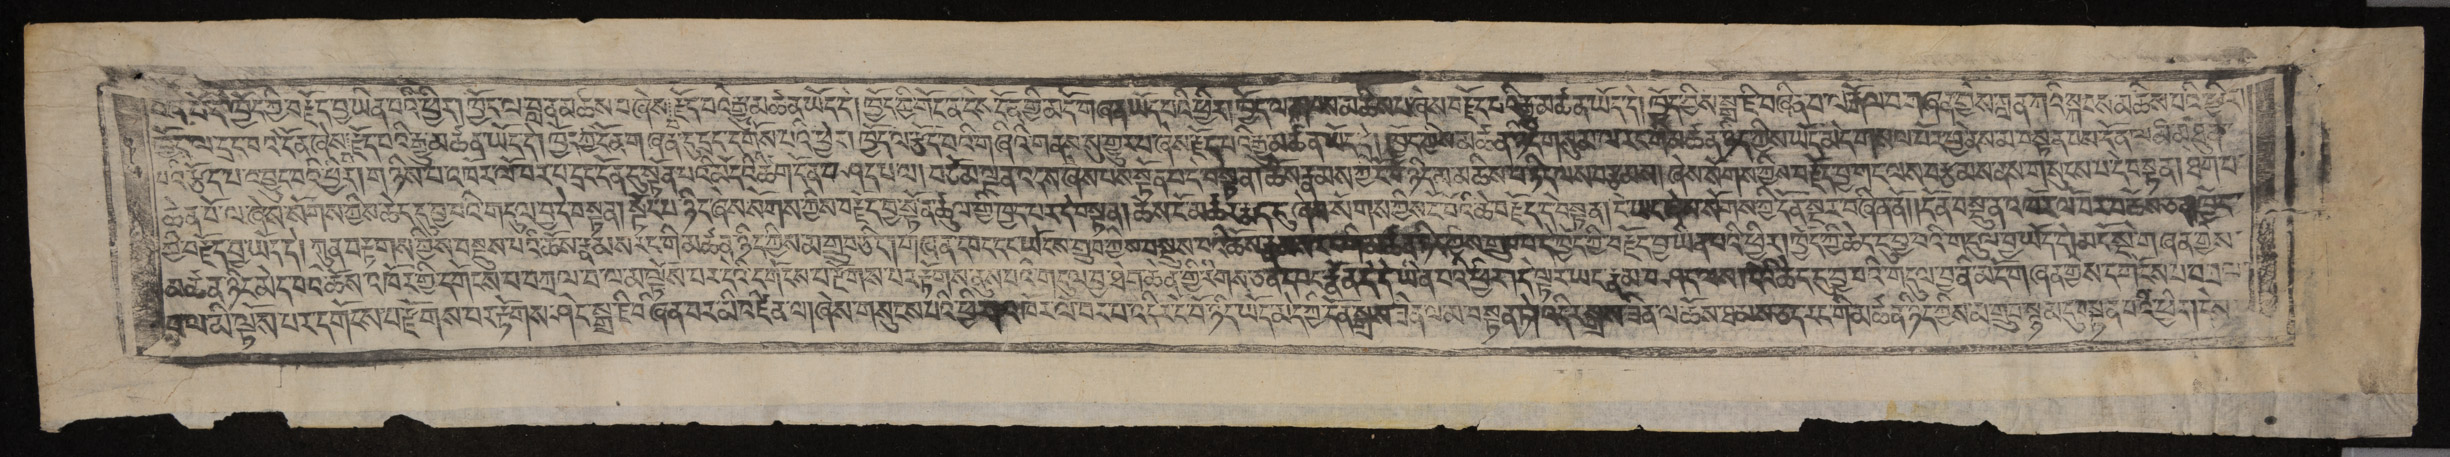བཞི་པོ་དེ་ཁྱོད་ཀྱི་བརྗོད་བྱ་ཡིན་པའི་ཕྱིར། ཁྱོད་ལ་བླ་ན་མཆིས་པ་ཞེས་བརྗོད་པའི་རྒྱུ་མཚན་ཡོད་དེ། ཁྱོད་ཀྱི་གོང་ན་ངེས་དོན་གྱི་མདོ་གཞན་ཡོད་པའི་ཕྱིར། ཁྱོད་ལ་སྐབས་མཆིས་པ་ཞེས་བརྗོད་པའི་རྒྱུ་མཚན་ཡོད་དེ། ཁྱོད་ཀྱིས་སྒྲ་ཇི་བཞིན་པ་ལ་རྒོལ་བ་གཞན་གྱིས་ཀླན་ཀའི་སྐབས་མཆིས་པའི་ཕྱིར།
ཁྱོད་ལ་དྲང་བའི་དོན་ཞེས་བརྗོད་པའི་རྒྱུ་མཚན་ཡོད་དེ། ཁྱོད་ཀྱི་དོན་གཞན་དུ་དྲང་དགོས་པའི་ཕྱིར། ཁྱོད་ལ་རྩོད་པའི་གཞིའི་གནས་སུ་གྱུར་པ་ཞེས་རྗོད་པའི་རྒྱུ་མཚན་ཡོད་དེ། ཁྱོད་ཀྱིས་མཚན་ཉིད་གསུམ་ལ་རང་གི་མཚན་ཉིད་ཀྱིས་ཡོད་མེད་གསལ་པོར་ཕྱེ་ནས་མ་བསྟན་པས་དོན་ལ་མི་མཐུན་
པའི་རྩོད་པ་འབྱུང་བའི་ཕྱིར། གཉིས་པ་འཁོར་ལོ་བར་པ་དྲང་དོན་དུ་སྟོན་པའི་མདོའི་ཚིག་དོན་བཤད་པ་ལ། བཅོམ་ལྡན་འདས་ཞེས་པས་སྟོན་པ་དེ་བསྟན། ཆོས་རྣམས་ཀྱི་ངོ་བོ་ཉིད་མ་མཆིས་པ་ཉིད་ལས་བརྩམས། ཞེས་སོགས་ཀྱིས་བརྗོད་བྱ་གང་ལས་བརྩམས་ནས་གསུངས་པ་དེ་བསྟན། ཐེག་པ་
ཆེན་པོ་ལ་ཞེས་སོགས་ཀྱིས་ཆེད་དུ་བྱ་བའི་གདུལ་བྱ་དེ་བསྟན། སྟོང་པ་ཉིད་ཞེས་སོགས་ཀྱིས་བརྗོད་བྱ་སྟོན་ཚུལ་གྱི་ཁྱད་པར་དེ་བསྟན། ཆེས་ངོ་མཚར་རྨད་དུ་ཞེས་སོགས་ཀྱིས་ངོ་བོའི་ཆེ་བརྗོད་དེ་བསྟན། དེ་ཡང་ཞེས་སོགས་ཀྱི་དོན་སྔར་བཞིན་ནོ། །དོན་བསྡུ་ན་འཁོར་ལོ་བར་པ་ཆོས་ཅན། ཁྱོད་
ཀྱི་བརྗོད་བྱ་ཡོད་དེ། ཀུན་བརྟགས་ཀྱིས་བསྡུས་པའི་ཆོས་རྣམས་རང་གི་མཚན་ཉིད་ཀྱིས་མ་གྲུབ་ཅིང་། གཞན་དབང་དང་ཡོངས་གྲུབ་ཀྱིས་བསྡུས་པའི་ཆོས་རྣམས་རང་གི་མཚན་ཉིད་ཀྱིས་གྲུབ་པ་དེ་ཁྱོད་ཀྱི་བརྗོད་བྱ་ཡིན་པའི་ཕྱིར། ཁྱོད་ཀྱི་ཆེད་དུ་བྱ་བའི་གདུལ་བྱ་ཡོད་དེ། མདོ་སྡེ་གཞན་གྱིས་
མཚན་ཉིད་མེད་པའི་ཆོས་འཁོར་གྱི་དགོངས་པ་བཀྲལ་བ་ལ་མ་ལྟོས་པར་དེའི་དགོངས་པ་རྫོགས་པར་རྟོགས་ནུས་པའི་གདུལ་བྱ་ཐེག་ཆེན་གྱི་རིགས་ཅན་དབང་རྣོན་དེ་དེ་ཡིན་པའི་ཕྱིར། དེ་ལྟར་ཡང་རྣམ་བཤད་ལས། དེའི་ཆེད་དུ་བྱ་བའི་གདུལ་བྱ་ནི་མདོ་གཞན་གྱིས་དགོངས་པ་བཀྲལ་
བ་ལ་མི་ལྟོས་པར་དགོངས་པ་རྫོགས་པར་རྟོགས་ཤིང་སྒྲ་ཇི་བཞིན་པར་མི་འཛིན་ལ། ཞེས་གསུངས་པའི་ཕྱིར། འཁོར་ལོ་བར་པ་འདིར་ངོ་བོ་ཉིད་ཡོད་མེད་ཀྱི་དོན་སྒྲས་ཟིན་ལ་མ་བསྟན་ཏེ། འདིར་སྒྲས་ཟིན་ལ་ཆོས་ཐམས་ཅད་རང་གི་མཚན་ཉིད་ཀྱིས་མ་གྲུབ་སྙམ་དུ་བསྟན་པའི་ཕྱིར། དེས་